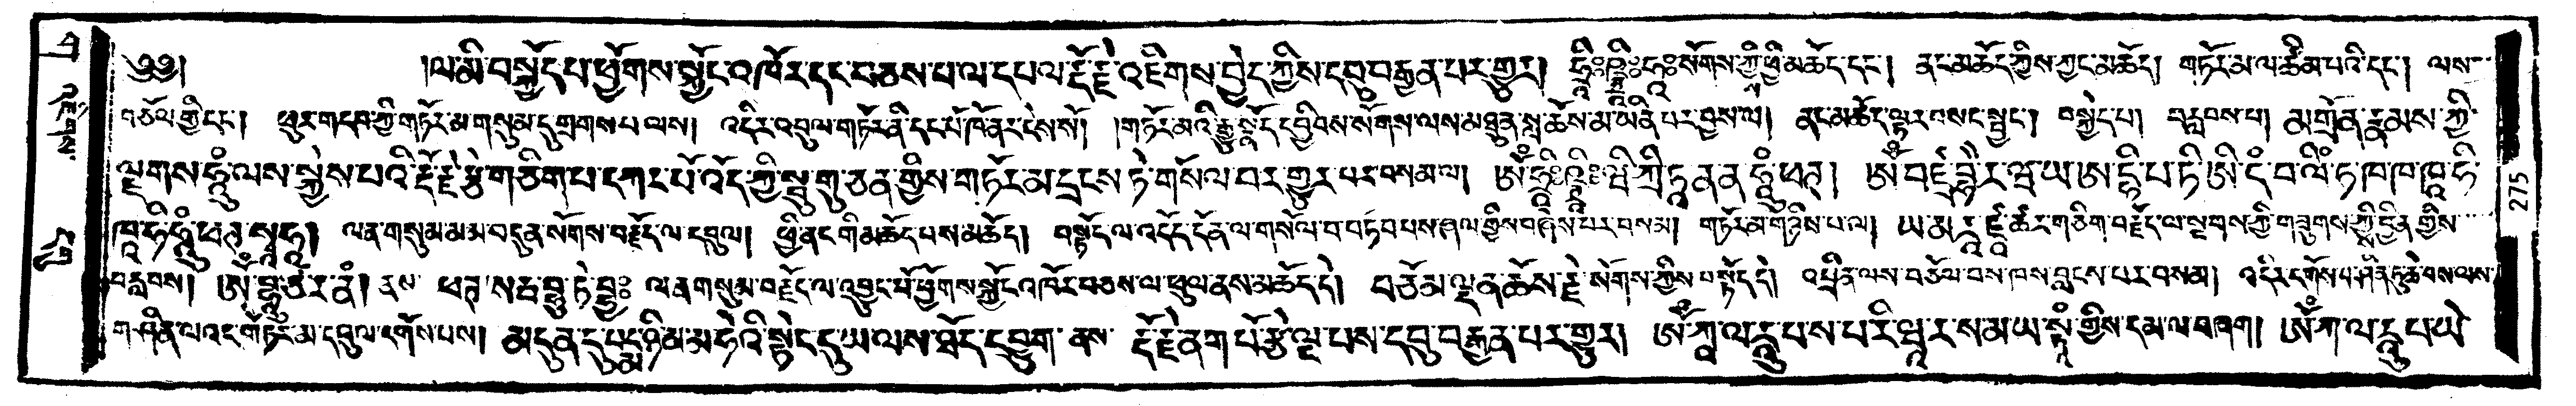༄༅། །ལ་མི་བསྐྱོད་པ་ཕྱོགས་སྐྱོང་འཁོར་དང་བཅས་པ་ལ་དཔལ་རྡོ་རྗེ་འཇིགས་བྱེད་ཀྱིས་དབུ་བརྒྱན་པར་གྱུར། ཧྲཱིཿཥྚྲཱིཿཧཱཿསོགས་ཀྱི་ཕྱི་མཆོད་དང་། ནང་མཆོད་ཀྱིས་ཀྱང་མཆོད། གཏོར་མ་ལ་ཚིམ་པའི་དང་། ལས་
བཅོལ་གྱི་དང་། ཕུར་གདབ་ཀྱི་གཏོར་མ་གསུམ་དུ་གྲགས་པ་ལས། འདིར་འབུལ་གཏོར་ནི་དང་པོ་ཁོ་ནར་ངེས་སོ། །གཏོར་མའི་རྒྱུ་སྣོད་དབྱིབས་སོགས་ལས་མཐུན་སླ་ཆོས་མ་ཡིན་པར་བྱས་ལ། ནང་མཆོད་ལྟར་བསང་སྦྱང་། བསྐྱེད་པ། བརླབས་པ། མགྲོན་རྣམས་ཀྱི་
ལྗགས་ཧཱུཾ་ལས་སྐྱེས་པའི་རྡོ་རྗེ་རྩེ་གཅིག་པ་དཀར་པོ་འོད་ཀྱི་སྤུ་གུ་ཅན་གྱིས་གཏོར་མ་དྲངས་ཏེ་གསོལ་བར་གྱུར་པར་བསམ་ལ། ཨོཾ་ཧྲཱིཿཥྚྲཱིཿཝི་ཀྲི་ཏཱ་ན་ན་ཧཱུཾ་ཕཊ། ཨོཾ་བཛྲ་བྷཻ་ར་ཝ་ཡ་ཨ་དྷི་པ་ཏི་ཨི་དཾ་བ་ལིཾ་ཏ་ཁ་ཁ་ཁཱ་ཧི་
ཁཱ་ཧི་ཧཱུཾ་ཕཊ་སྭཱཧཱ། ལན་གསུམ་མམ་བདུན་སོགས་བརྗོད་ལ་དབུལ། ཕྱི་ནང་གི་མཆོད་པས་མཆོད། བསྟོད་ལ་འདོད་དོན་ལ་གསོལ་བ་བཏབ་པས་ཞལ་གྱིས་བཞེས་པར་བསམ། གཏོར་མ་གཉིས་པ་ལ། ཡ་མ་རཱ་ཛཱ་ཚར་གཅིག་བརྗོད་ལ་སྔགས་ཀྱི་གཟུགས་ཀྱིས་བྱིན་གྱིས་
བརླབས། ཨོཾ་བྷཱུ་ཙ་ར་ནཾ། ནས་ཕཊ་སརྦ་བྷུ་ཏེ་བྷྱཿ ལན་གསུམ་བརྗོད་ལ་འབྱུང་པོ་ཕྱོགས་སྐྱོང་འཁོར་བཅས་ལ་ཕུལ་ནས་མཆོད་དེ། བཅོམ་ལྡན་ཆོས་རྗེ་སོགས་ཀྱིས་བསྟོད་དེ། འཕྲིན་ལས་བཅོལ་པས་ཁས་བླངས་པར་བསམ། འདིར་དགོས་པ་ཤིན་ཏུ་ཆེ་བས་ལས་
གཤིན་ལའང་གཏོར་མ་དབུལ་དགོས་པས། མདུན་དུ་པདམ་ཉི་མ་མ་ཧེའི་སྟེང་དུ་ཡ་ལས་ཐོད་དབྱུག་ནས་རྡོ་རྗེ་ནག་པོ་རྩེ་ལྔ་པས་དབུ་བརྒྱན་པར་གྱུར། ཨོཾ་ཀཱ་ལ་རཱུ་པ་ས་པ་རི་ཝཱ་ར་ས་མ་ཡ་སྟཱཾ་གྱིས་དམ་ལ་བཞག། ཨོཾ་ཀ་ལ་རཱུ་པ་ཡེ་